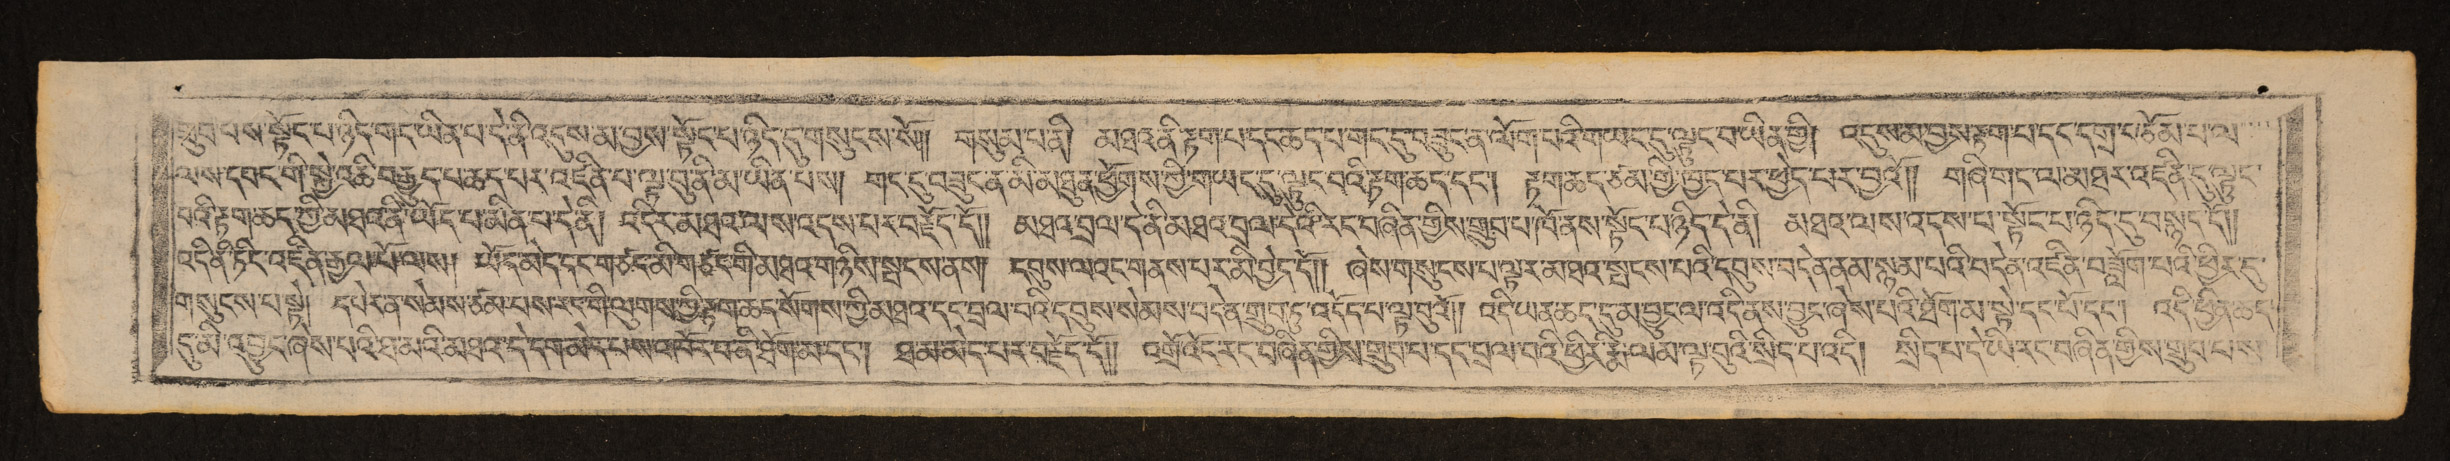གྲུབ་པས་སྟོང་པ་ཉིད་གང་ཡིན་པ་དེ་ནི་འདུས་མ་བྱས་སྟོང་པ་ཉིད་དུ་གསུངས་སོ།། གསུམ་པ་ནི། མཐའ་ནི་རྟག་པ་དང་ཆད་པ་གང་དུ་བཟུང་ན་ལོག་པའི་གཡང་དུ་ལྟུང་བ་ཡིན་གྱི། འདུས་མ་བྱས་རྟག་པ་དང་དགྲ་བཅོམ་པ་ལ་
ལས་དབང་གི་སྐྱེ་འཆི་བརྒྱུད་པ་ཆད་པར་འཛིན་པ་ལྟ་བུ་ནི་མ་ཡིན་པས། གང་དུ་བཟུང་ན་མི་མཐུན་ཕྱོགས་ཀྱི་གཡང་དུ་ལྟུང་བའི་རྟག་ཆད་དང་། རྟག་ཆད་ཙམ་གྱི་ཁྱད་པར་ཕྱེད་པར་བྱའོ།། གཞི་གང་ལ་མཐར་འཛིན་དུ་ལྟུང་
བའི་རྟག་ཆད་ཀྱི་མཐའ་ནི་ཡོད་པ་མིན་པ་དེ་ནི། འདིར་མཐའ་ལས་འདས་པར་བརྗོད་དོ།། མཐའ་བྲལ་དེ་ནི་མཐའ་བྲལ་དེའི་རང་བཞིན་གྱིས་གྲུབ་པ་ཁོ་ནས་སྟོང་པ་ཉིད་དེ་ནི། མཐའ་ལས་འདས་པ་སྟོང་པ་ཉིད་དུ་བསྙད་དོ།།
འདི་ནི་ཏིང་འཛིན་རྒྱལ་པོ་ལས། ཡོད་མེད་དང་གཙང་མི་གཙང་གི་མཐའ་གཉིས་སྤངས་ནས། དབུས་ལའང་གནས་པར་མི་བྱེད་དོ།། ཞེས་གསུངས་པ་ལྟར་མཐའ་སྤངས་པའི་དབུས་བདེན་ནམ་སྙམ་པའི་བདེན་འཛིན་བཟློག་པའི་ཕྱིར་དུ་
གསུངས་པ་སྟེ། དཔེར་ན་སེམས་ཙམ་པས་རང་གི་ལུགས་ཀྱི་རྟག་ཆད་སོགས་ཀྱི་མཐའ་དང་བྲལ་བའི་དབུས་སེམས་བདེན་གྲུབ་ཏུ་འདོད་པ་ལྟ་བུའོ།། འདི་ཡན་ཆད་དུ་མ་བྱུང་ལ་འདི་ནས་བྱུང་ཞེས་པའི་ཐོག་མ་སྟེ་དང་པོ་དང་། འདི་ཕྱིན་ཆད་
དུ་མི་འབྱུང་ཞེས་པའི་ཐ་མའི་མཐའ་དེ་དག་མེད་པས་འཁོར་བ་ནི་ཐོག་མ་དང་། ཐ་མ་མེད་པར་བརྗོད་དོ།། འགྲོ་འོང་རང་བཞིན་གྱིས་གྲུབ་པ་དང་བྲལ་བའི་ཕྱིར་རྨི་ལམ་ལྟ་བུའི་སྲིད་པ་འདི། སྲིད་པ་དེ་ཡི་རང་བཞིན་གྱིས་གྲུབ་པས་